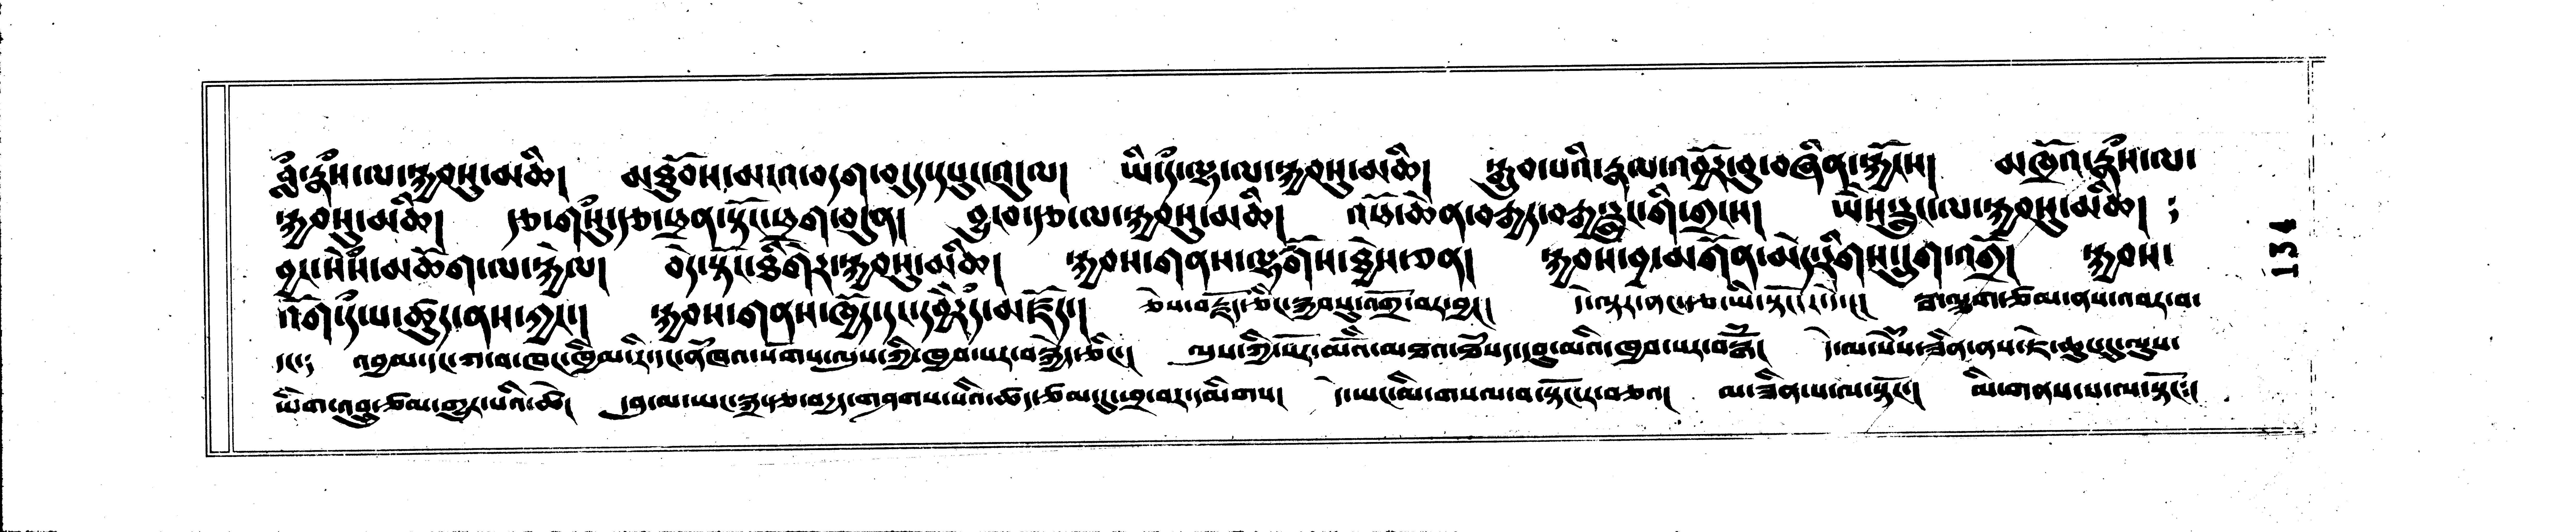བླ་མ་རྣམས་ལ་སྐྱབས་སུ་མཆི། མཐུ་སྟོབས་མངའ་བདག་བདུད་དཔུང་འདུལ། ཡི་དམ་ལྷ་ལ་སྐྱབས་སུ་མཆི། སྒྲུབ་པའི་རྣལ་འབྱོར་བུ་བཞིན་སྐྱོང་། མཁའ་རྣམས་ལ་
སྐྱབས་སུ་མཆི། རྩ་གསུམ་རྩ་ཕྲན་སྟོང་ཕྲག་བདུན། བྱང་ཆུབ་རྩ་ལ་སྐྱབས་སུ་མཆི། འཕོ་ཆེན་བརྒྱད་བརྒྱ་རླུང་གི་གྲངས། ཡེ་ཤེས་རླུང་ལ་སྐྱབས་སུ་མཆི། 
བྱང་ཆུབ་སེམས་མཆོག་ལ་སྐྱེལ། བདེ་སྟོང་ཐིག་ལེར་སྐྱབས་སུ་མཆི། སྐྱབས་གནས་ལྷ་ཚོགས་ཐུགས་རྗེ་ཅན། སྐྱབས་བྱ་མགོན་མེད་རིགས་དྲུག་འགྲོ། སྐྱབས་
འོག་དམ་པ་ཚུད་ནས་ཀྱང་། སྐྱབས་གནས་ཁྱོད་དང་དབྱེར་མེད་མཛོད། །ཅེས་བརྗོད་ཅིང་སྐྱབས་སུ་འགྲོ་བར་བྱ། དེ་ལྟར་ནང་རྩ་ཡི་སྟོང་ར་དེ། སྦ་ལྩག་ཙམ་ནས་འབར་བ་
དང་། འབྱམ་དང་ཀ་བ་ཁང་ཁྱིམ་རི་དང་ནམ་མཁའ་སོགས་ལུས་ཀྱིས་ཁྱབ་པར་བསྐྱེད་ཅིང་། ལུས་ཀྱི་སོར་མོའི་མཐའ་ཐམས་ཅད་དབུ་མའི་ཁྱབ་པར་བསྒོམ། དེ་ལ་སེམས་ཟིན་ནས་ཇེ་ཆུང་དུ་ལུས་
ཡིག་འབྲུ་ཙམ་གྱུར་པའི་ཚེ། དབུ་མ་ཡང་སྐྲ་རྩ་བརྒྱད་གཤགས་པའི་ཕྱེད་ཙམ་དུ་ཕྲ་བར་དམིགས། དེ་ཡང་མི་གསལ་བར་སྟོང་ར་བཅའ། མ་ཟིན་པ་ལ་སྟོང་། མི་གནས་པ་ལ་སྟོང་།